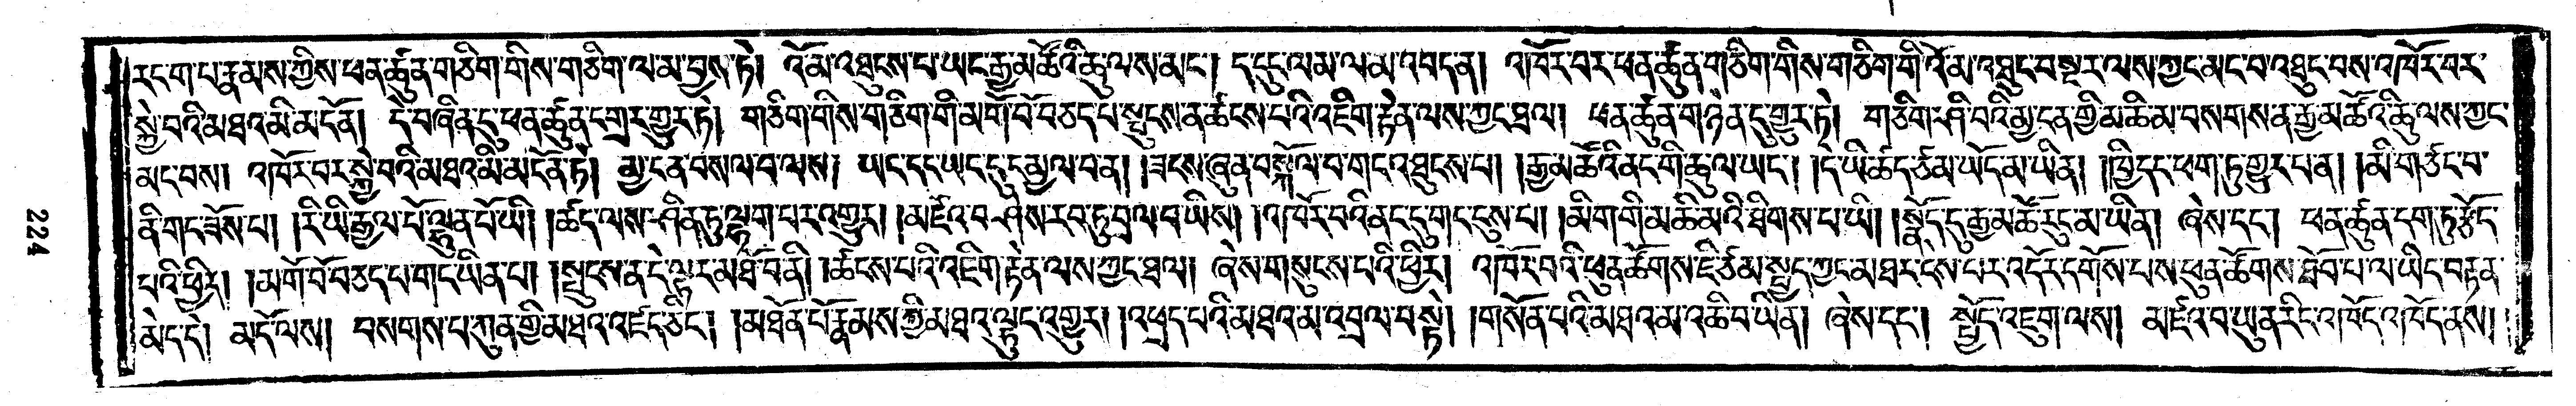རང་ག་པ་རྣམས་ཀྱིས་ཕན་ཚུན་གཅིག་གིས་གཅིག་ལ་མ་བྱས་ཏེ། འོ་མ་འཐུངས་པ་ཡང་རྒྱ་མཚོའི་ཆུ་ལས་མང་། ད་དུང་ལམ་ལམ་འབད་ན། འཁོར་བར་ཕན་ཚུན་གཅིག་གིས་གཅིག་གི་འོ་མ་འཐུང་བསྔར་ལས་ཀྱང་མང་བ་འཐུང་བས་འཁོར་བར་
སྐྱེ་བའི་མཐའ་མི་མདོན། དེ་བཞིན་དུ་ཕན་ཚུན་དགྲར་གྱུར་ཏེ། གཅིག་གིས་གཅིག་གི་མགོ་བོ་བཅད་པ་སྤུངས་ན་ཚངས་པའི་འཇིག་རྟེན་ལས་ཀྱང་ཐལ། ཕན་ཚུན་གཉེན་དུ་གྱུར་ཏེ། གཅིག་ཤི་བའི་མྱ་ངན་གྱི་མཆི་མ་བསགས་ན་རྒྱ་མཚོའི་ཆུ་ལས་ཀྱང་
མང་བས། འཁོར་བར་སྐྱེ་བའི་མཐའ་མི་མངོན་ཏེ། མྱ་ངན་བསལ་བ་ལས། ཡང་དང་ཡང་དུ་དམྱལ་བ་ན། །ཟངས་ཞུན་བསྐོལ་བ་གང་འཐུངས་པ། །རྒྱ་མཚོའི་ནང་གི་ཆུ་ལ་ཡང་། །དེ་ཡི་ཚད་ཙམ་ཡོད་མ་ཡིན། །ཁྱི་དང་ཕག་ཏུ་གྱུར་པ་ན། །མི་གཙང་བ་
ནི་གང་ཟོས་པ། །རི་ཡི་རྒྱལ་པོ་ལྷུན་པོ་ཡི། །ཚད་ལས་ཤིན་ཏུ་ལྷག་པར་འགྱུར། །མཛའ་བཤེས་རབ་ཏུ་བྲལ་བ་ཡིས། །འཁོར་བའི་ནང་དུ་གང་དུས་པ། །མིག་གི་མཆི་མའི་ཐིགས་པ་ཡི། །སྣོད་དུ་རྒྱ་མཚོ་རུང་མ་ཡིན། ཞེས་དང་། ཕན་ཚུན་དག་ཏུ་རྩོད་
པའི་ཕྱིར། མགོ་བོ་བཅད་པ་གང་ཡིན་པ། །སྤུངས་ན་དེ་ལྟར་མཐོ་བ་ནི། །ཚངས་པའི་འཇིག་རྟེན་ལས་ཀྱང་ཐལ། ཞེས་གསུངས་པའི་ཕྱིར། འཁོར་བའི་ཕུན་ཚོགས་ཇི་ཙམ་སྤྱད་ཀྱང་མཐར་ངེས་པར་འདོར་དགོས་པས་ཕུན་ཚོགས་ཐོབ་པ་ལ་ཡིད་བརྟན་
མེད་དེ། མདོ་ལས། བསགས་པ་ཀུན་གྱི་མཐའ་འཛད་ཅིང་། །མཐོན་པོ་རྣམས་ཀྱི་མཐའ་ལྟུང་འགྱུར། །འཕྲད་པའི་མཐའ་མ་འབྲལ་བ་སྟེ། །གསོན་པའི་མཐའ་མ་འཆི་བ་ཡིན། ཞེས་དང་། སྤྱོད་འཇུག་ལས། མཛའ་བ་ཡུན་རིང་འཁོད་འཁོད་ནས། །